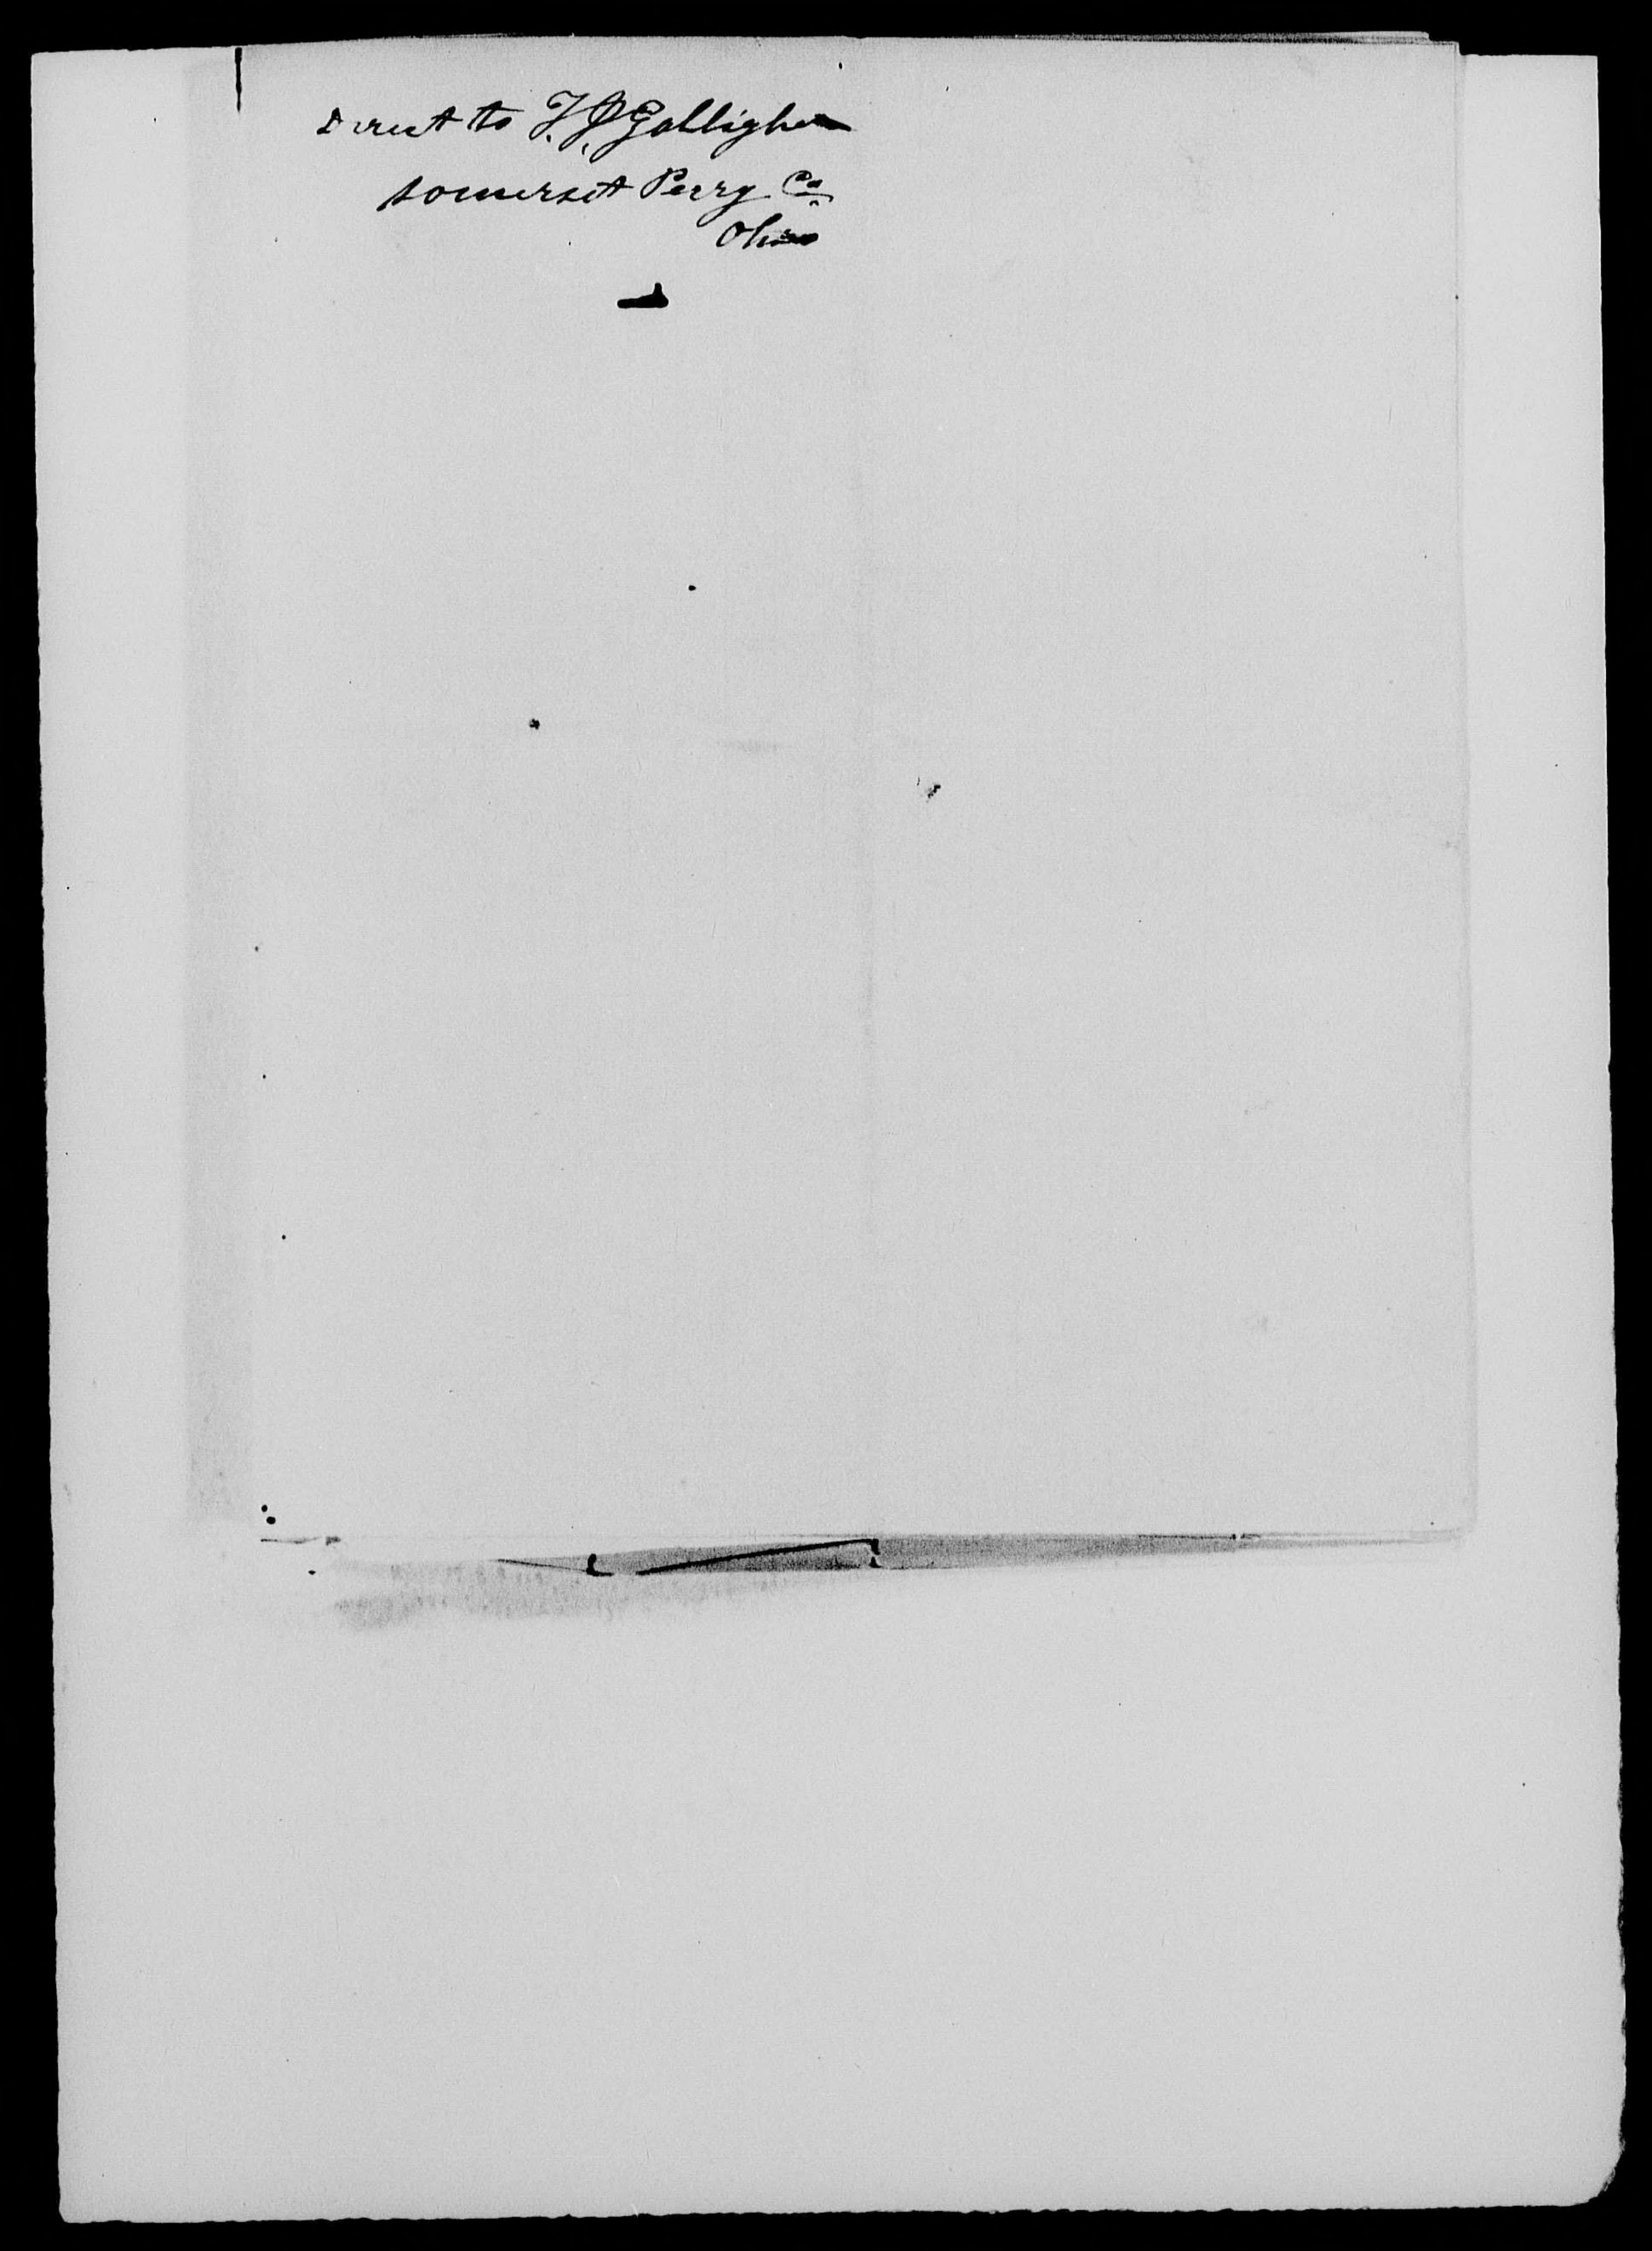Direct to T. J. Galligher 
 Somerset Perry Co. Ohio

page: 20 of 23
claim: survivor's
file: S. 2289, for William Jacobs, Maryland